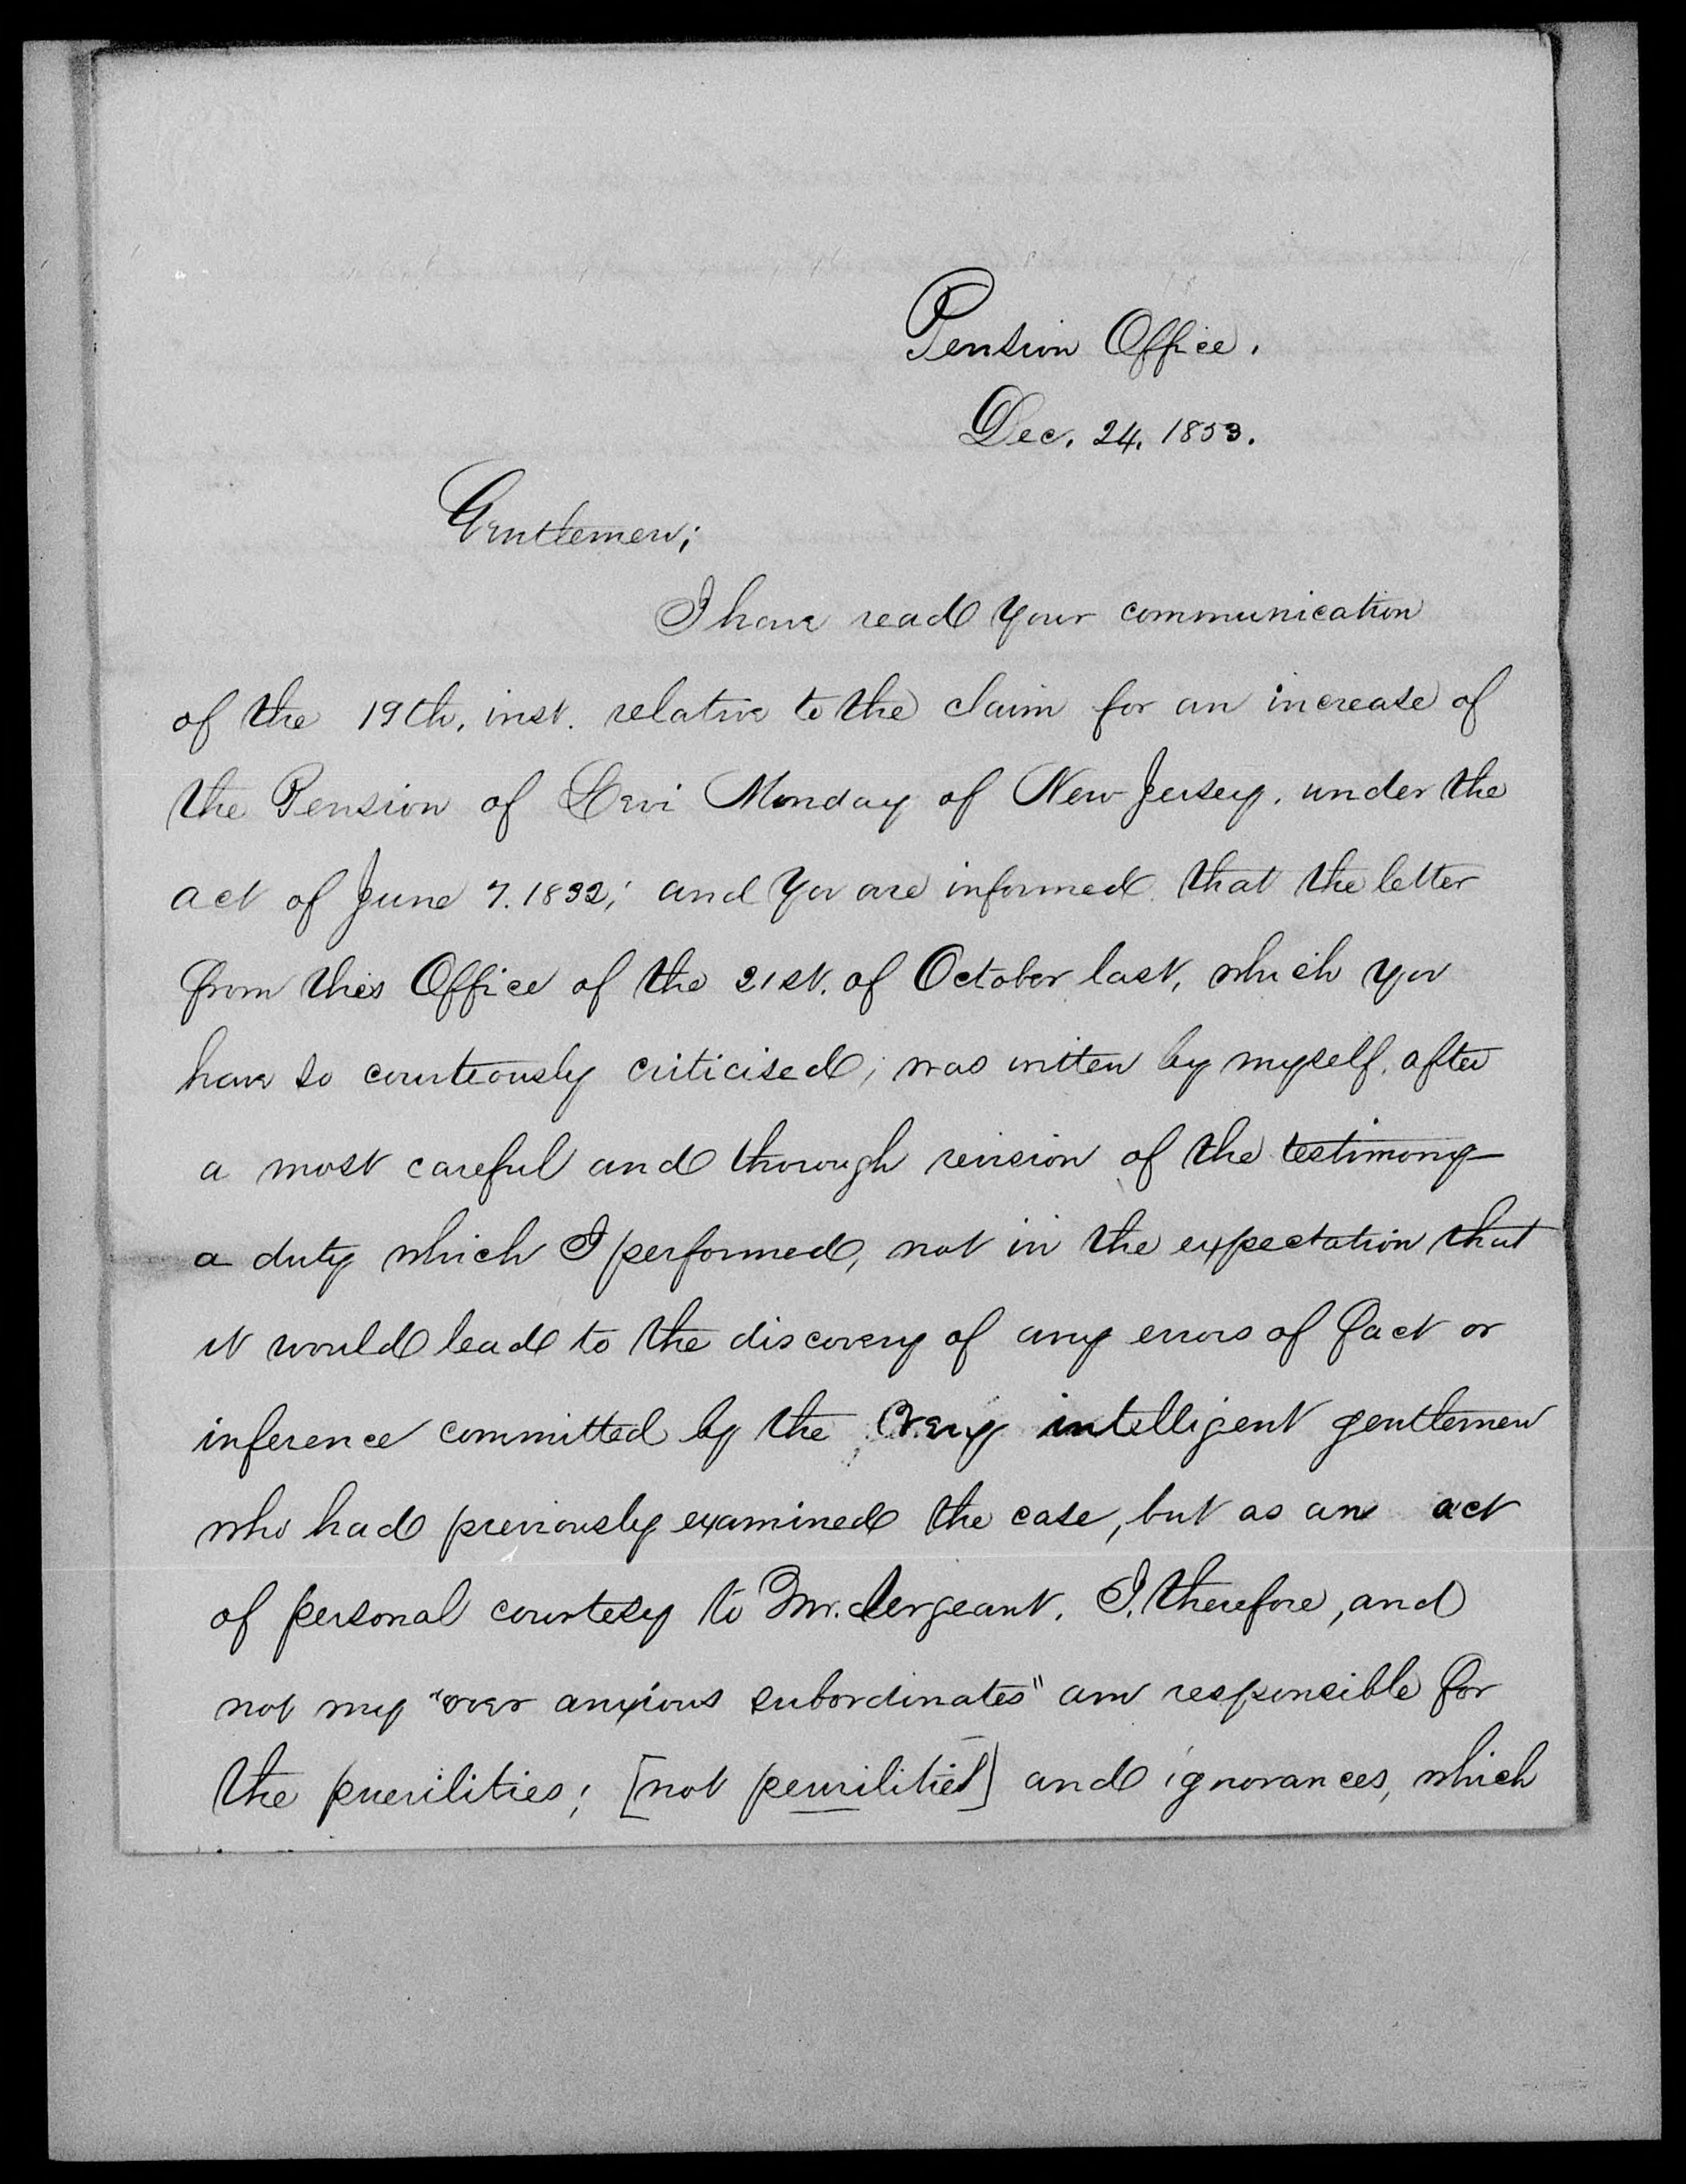Pension Office,
Dec. 24, 1853

Gentlemen:

I have read your communication of the 19th. inst(ant) relative to the claim for an increase of the pension of Levi Monday of New Jersey, under the Act of June 7 1832; and you are informed that the letter from this office of the 21st of October last, which you have so courteously criticized; was written by myself, after a most careful and thorough revision of the testimony, a duty which I performed, not in the expectation that it would lead to the discovery of any errors of fact or inference committed by the very intelligent gentlemen who had previously examined the case, but as an act of personal courtesy to Mr. Sergeant. I therefore, and not my "over anxious subordinates" am responsible for the [illegible]; (not [illegible]) and ignorances, which...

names: Levi Monday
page: 51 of 95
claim: survivor's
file: S 2889, for Levi Mundy, New Jersey